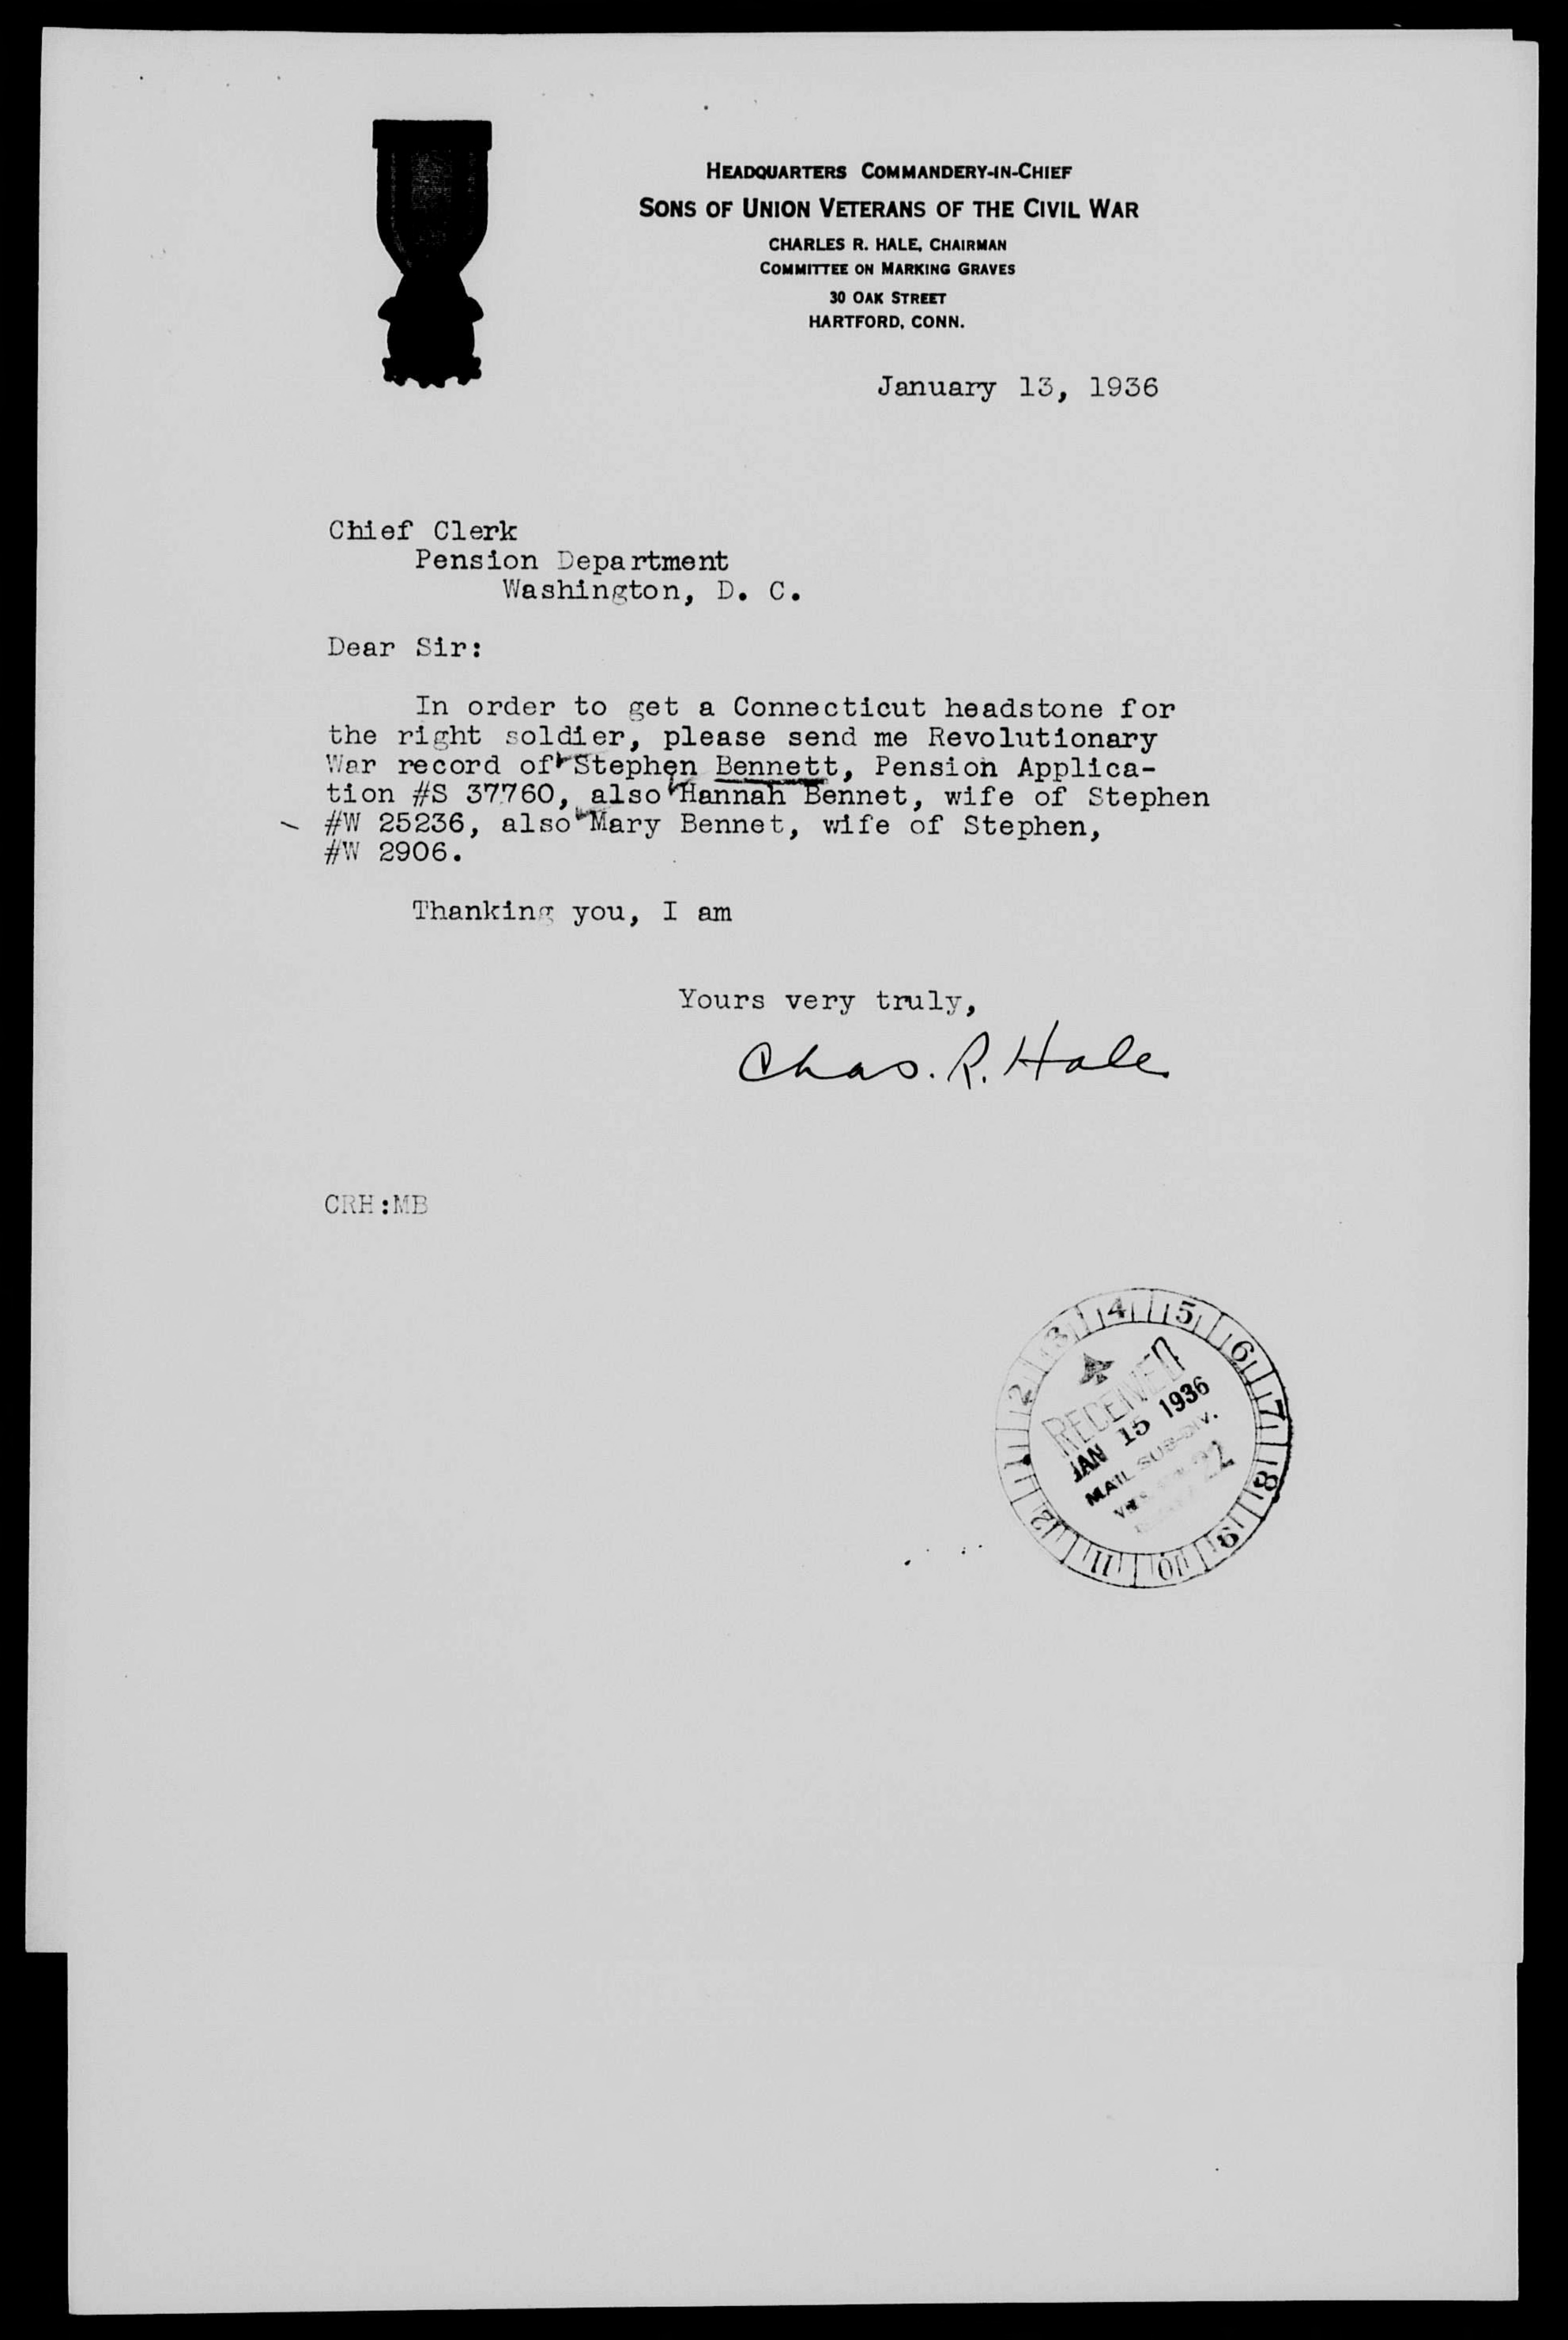HEADQUARTERS COMMANDERY-IN-CHIEF SONS OF UNION VETERANS OF THE CIVIL WAR CHARLES R. HALE, CHAIRMAN COMMITTEE ON MARKING GRAVES 30 OAK STREET
HARTFORD, CONN. January 13, 1936
Pension Department Washington, D. C. Dear Sir:
In order to get a Connecticut headstone for the right soldier, please send me Revolutionary War
record of Stephen Bennett, Pension Application
#S 37760, also Hannah Bennet, wife of Stephen
#W 25236, also Mary Bennet, wife of Stephen,
#W 2906. Thanking you, I am Yours very truly,
Chas. R. Hale CRH: MB [stamp] RECEIVED JAN 15 1936 MAIL SUB-DIV. [illegible]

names: Chas R Hale, Stephen, Mary Bennet, Stephen Bennett, Hannah Bennet, Charles R Hale, Stephen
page: 79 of 79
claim: widow's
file: W. 2,906, Stephen Bennet, Conn.